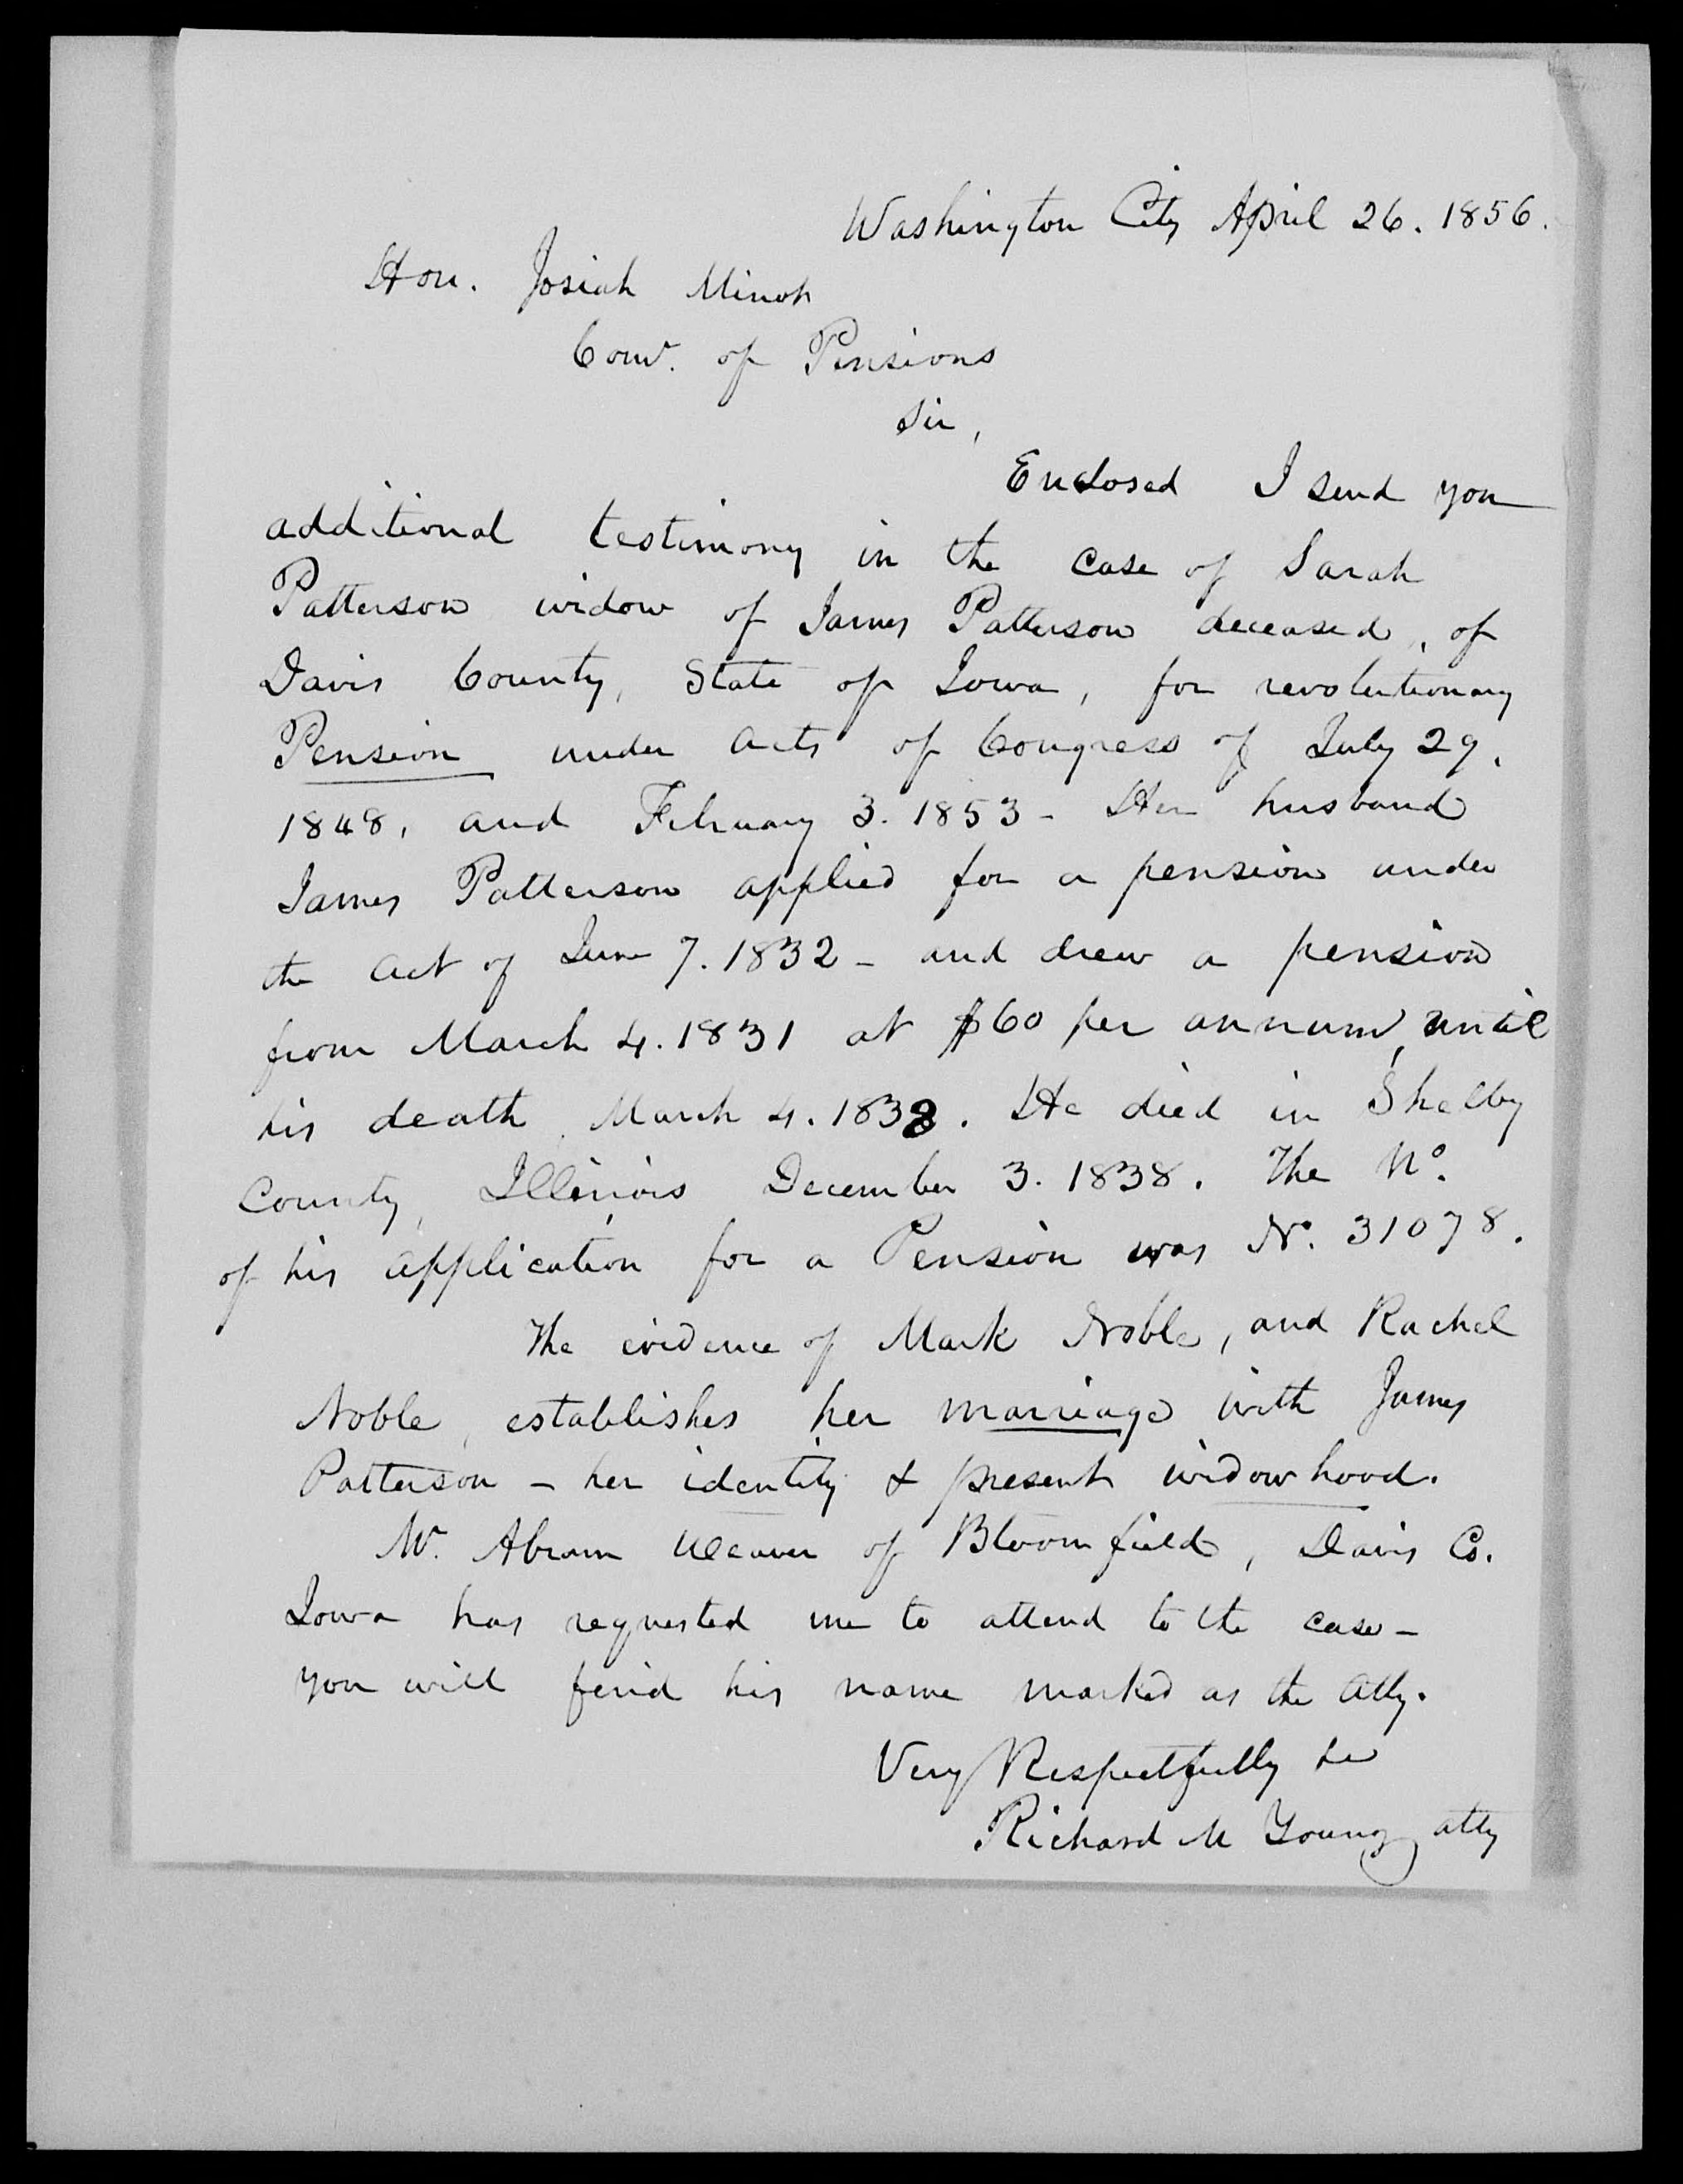Washington City April 26. 1856
Hon. Josiah Minot
Com. of Pensions
Sir,
Enclosed I send you additional testimony in the case of Sarah Patterson widow of James Patterson deceased, of Davis County, State of Iowa, for revolutionary Pension under act of Congress of July 29 1848, and February 3, 1853. Her husband James Patterson applied for a pension under the act of June 7, 1832 and drew a pension from March 4. 1831 at $60 per annum until his death March 4, 1838. He died in Shelby County Illinois December 3. 1838. The No. his application for a Pension was N. 31078.
The evidence of Mark Noble, and Rachel Noble establishes her marriage with James Patterson - her identity & present widowhood. 
W. Abram Weaver of Bloomfield, Davis Co. Iowa has requested me to attend to the case - you will find his name marked as the Atty. 
Very Respectfully [illegible fi]
Richard M Young atty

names: Sarah Patterson; Richard M Young; Abram Weaver; James Patterson; Rachel Noble; Josiah Minot; Mark Noble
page: 38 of 69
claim: widow's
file: W. 10861, for James Patterson, North Carolina